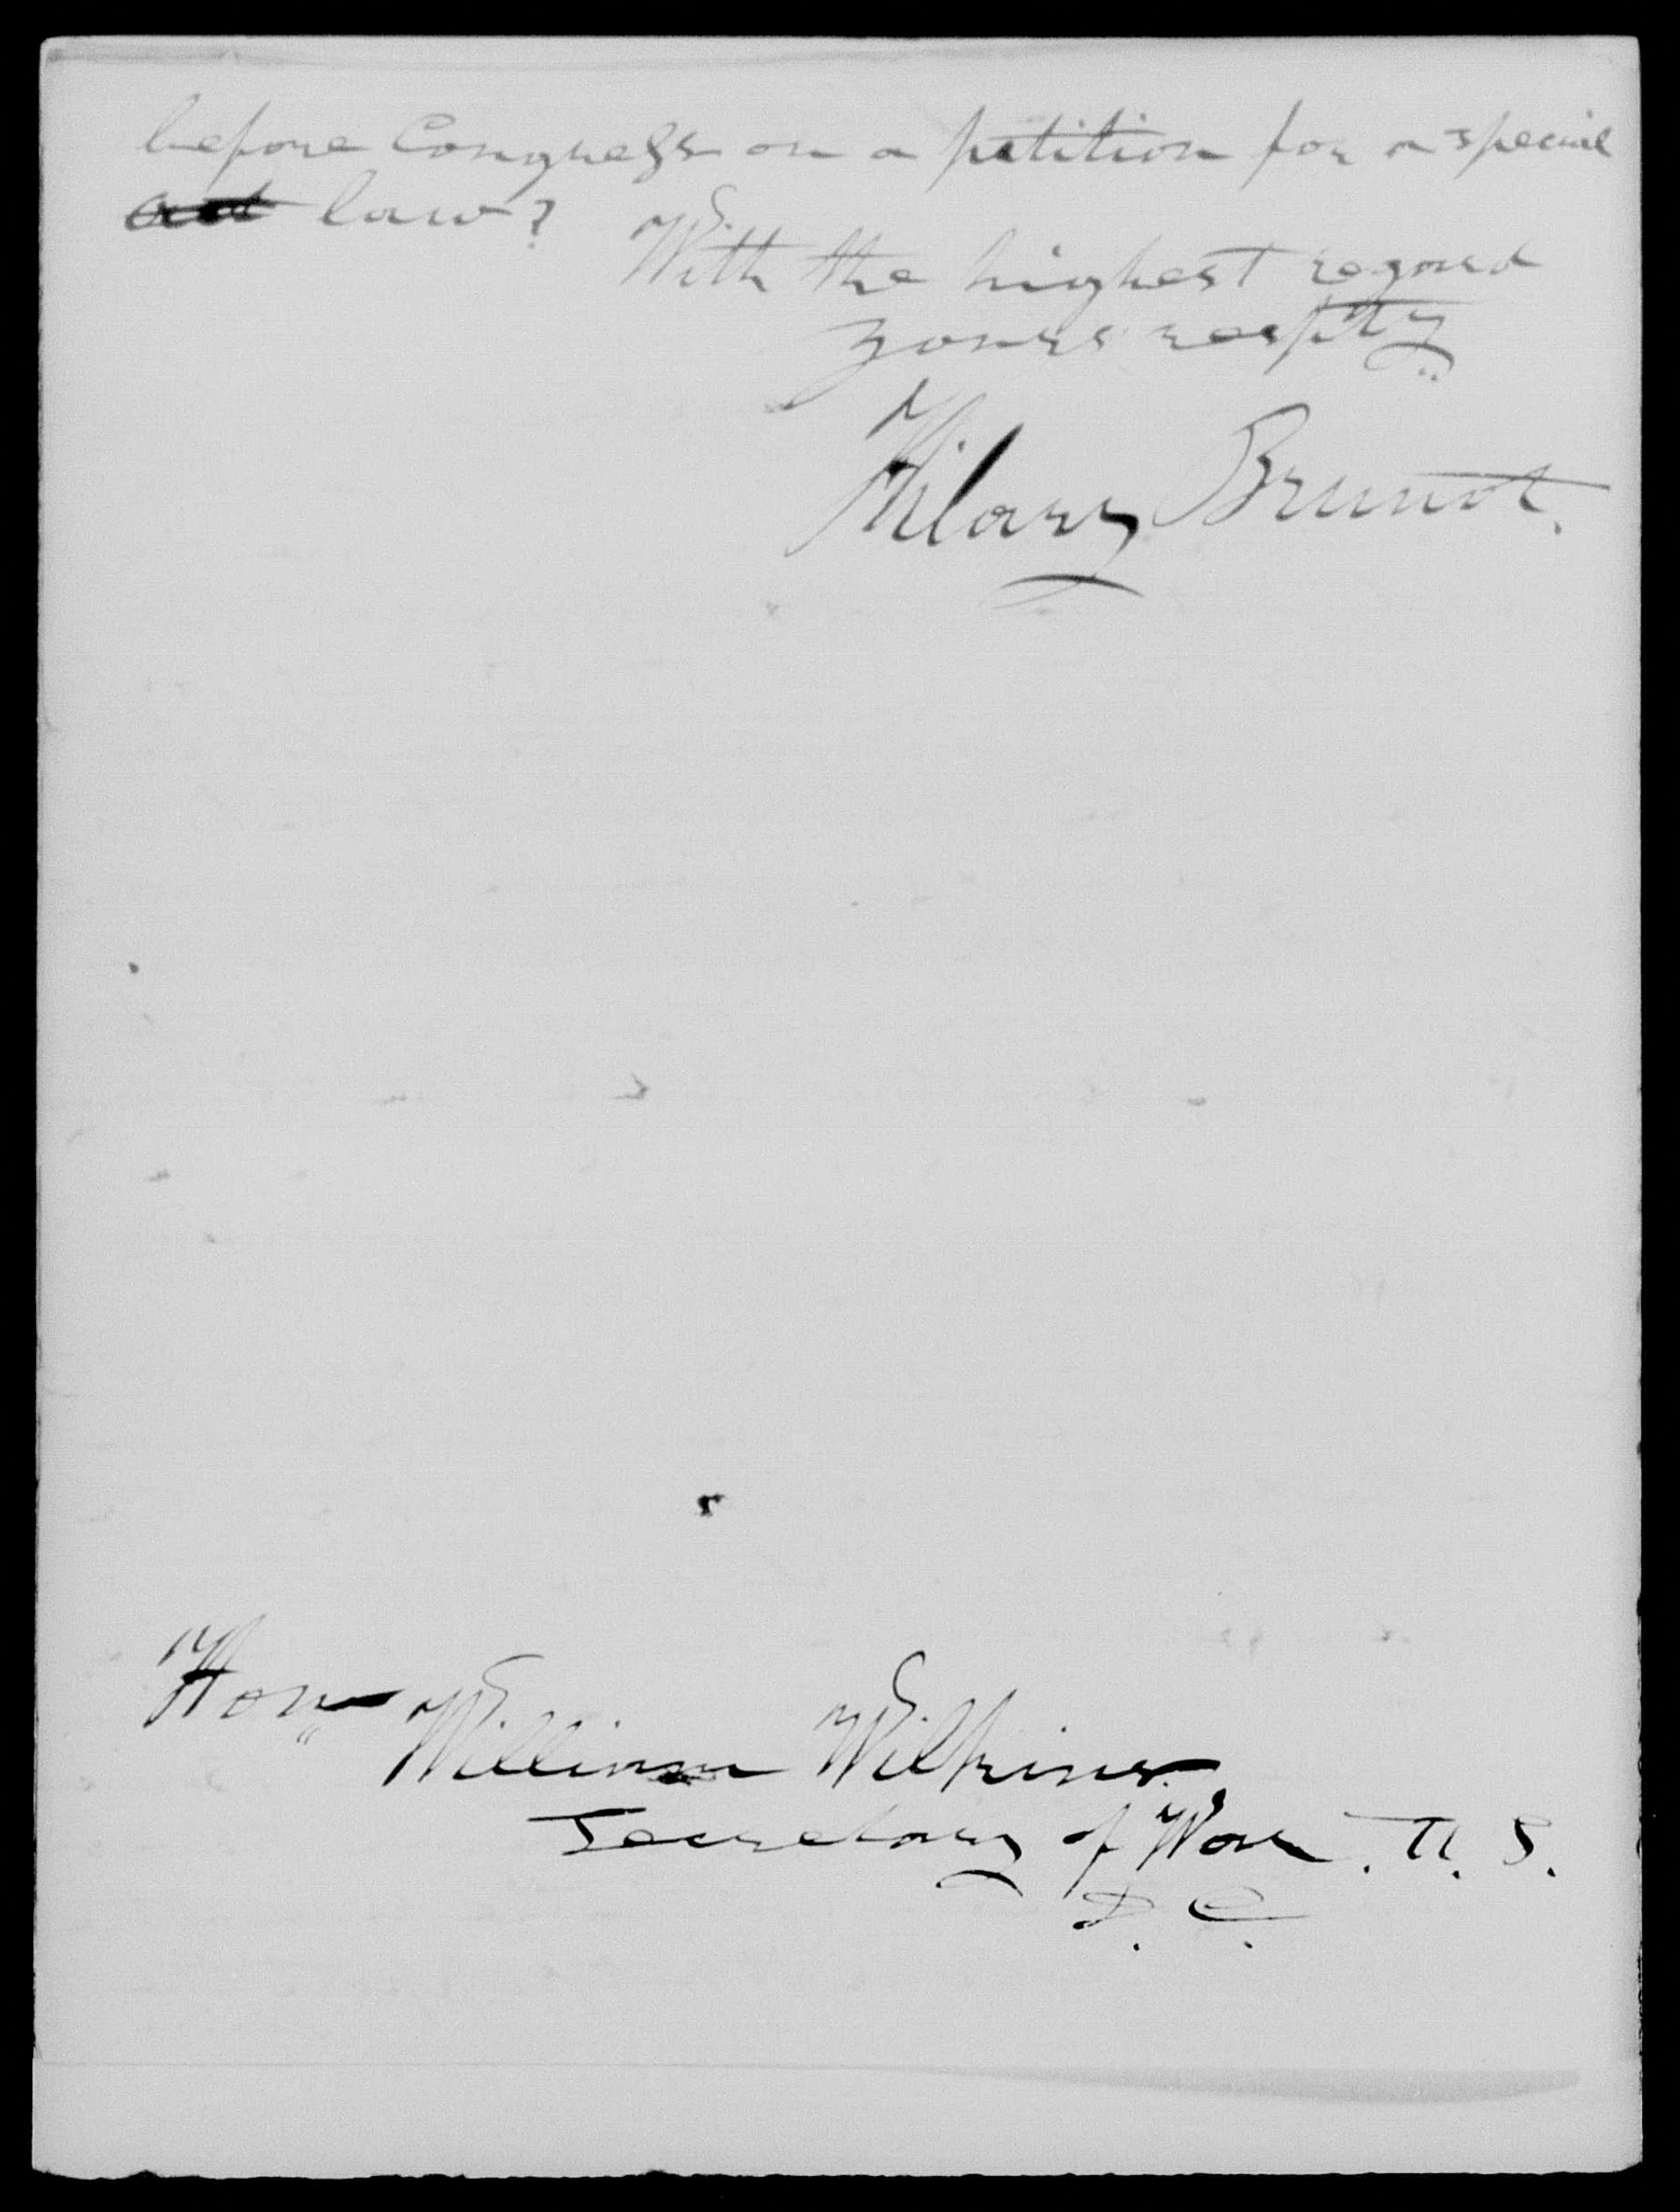before Congress on a petition for a special law?
With the highest regard
Yours respectly
Hilary Brunot 
Hon  William Wilkins
Secretary of War U.S.
D.C.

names: Hilary Brunot, William Wilkins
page: 30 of 34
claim: rejected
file: R. 1371, Felix Brunot, Penn.